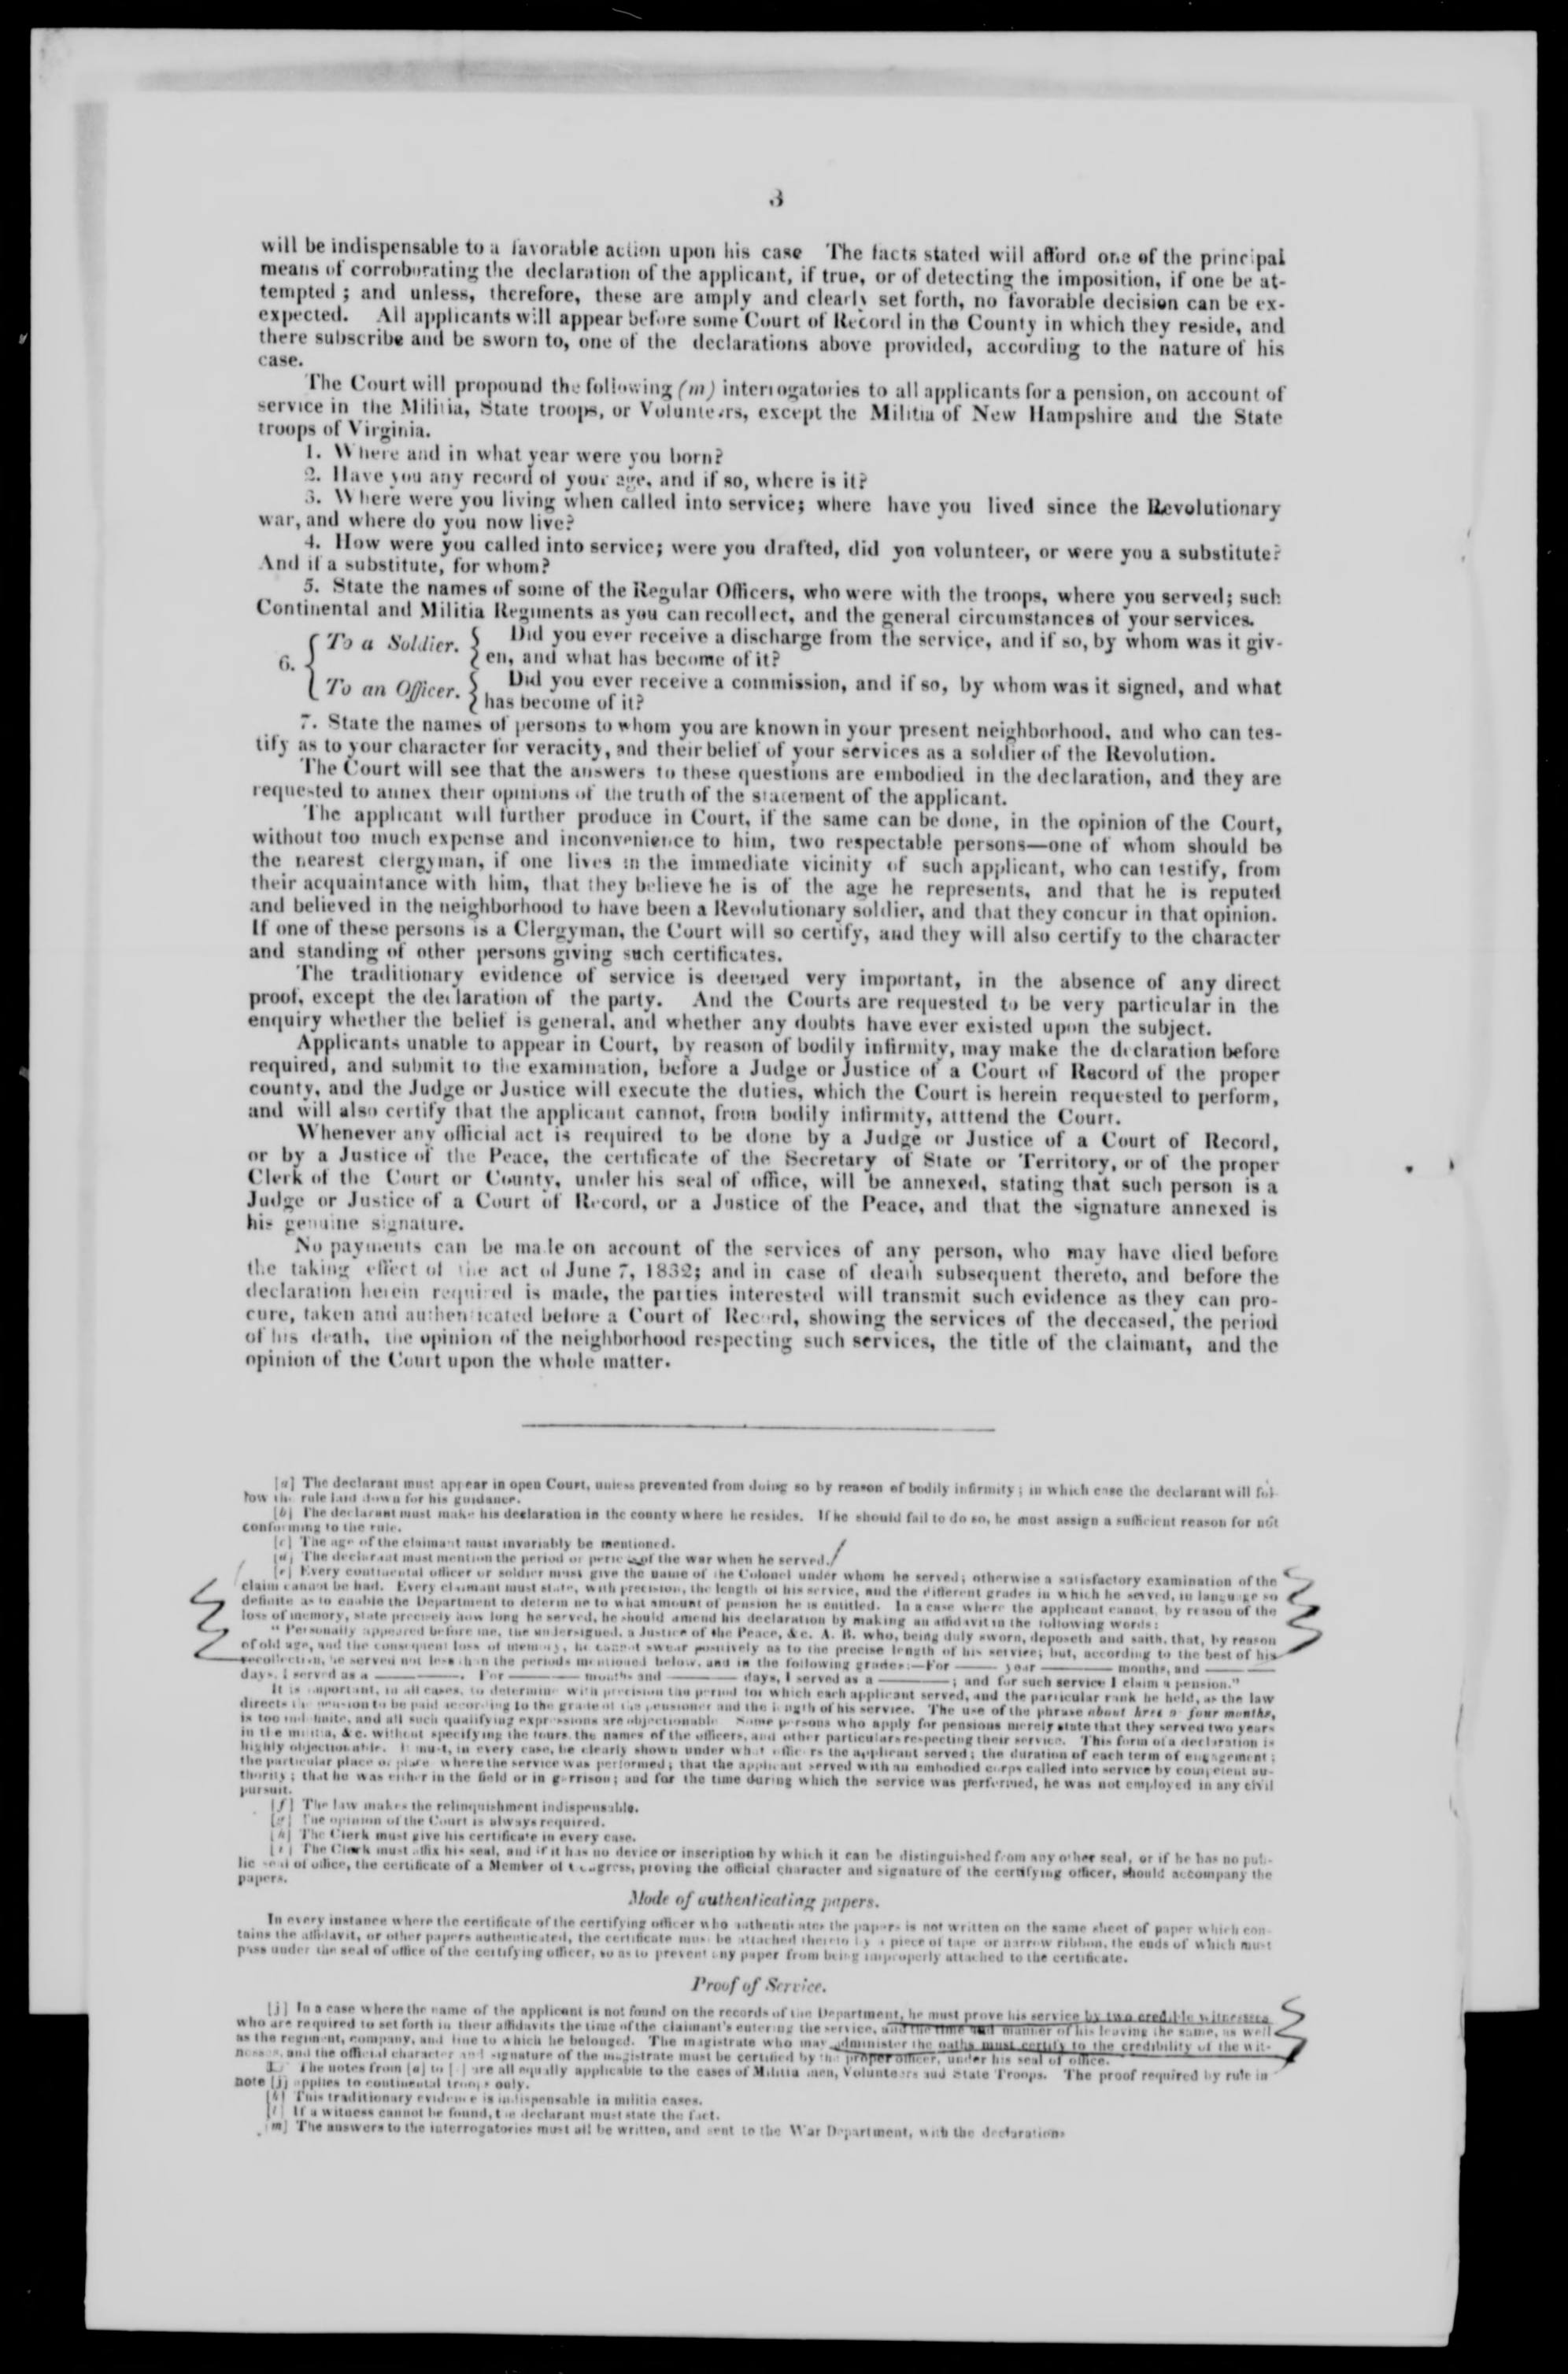[centered] 3

will be indispensable to a favorable action upon his case   The facts stated will afford one of the principal means of corroborating the declaration of the applicant, if true, or detecting the imposition, if one be at-tempted; and unless, therefor, these are amply and clearly set forth,  no favorable decision can be ex-expected.   All applicants will appear before some Court of Record in the County in which they reside and there subscribe and be sworn to, one of the declarations above provided, according to the nature of his
case.

{para}The Court will propound the following [ital](m) [/m] interrogatories to all applicants for a pension, on account of service in the Militia, State troops, or Volunteers, except the Militia of New Hampshire and the State
troops of Virginia.
[indent] 1.  Where and in what year were you born?
2. Have you any record of your age, and if so, where is it?
3.  Where were you living when called into service; where have you lived since the Revolutionary 
war, and where do you now live?
4.  How were you called into service; were you drafted, did you volunteer, or were you a substitute? And if a substitute, for whom?
5.  State the names of some of the Regular Officers, who were with the troops, where you served, such Continental and Militia Regiments as you can recollect, and the general circumstances of your services.
6. {To a Soldier. {   Did you ever receive a discharge from the service, and if so, by whom was it given, and what has become of it?
{To and Officer. {Did you ever receive a commission, and if so, by whom was it signed, and what has become of it?
7.  State the names of persons to whom you are known in your present neighborhood, and who can tes-tify as to your character for veracity, and their belief of your services as a soldier of the Revolution.
[indent] The Court will see that the answers to these questions are embodied in the declaration, and they are requested to annex their opinions of the truth of the statement of the applicant.
[indent]  The applicant will further produce in Court, if the same can be done, in the opinion of the Court, without too much expense and inconvenience to him, two respectable persons--one of whom should be the nearest clergyman, if one lives in the immediate vicinity of such applicant, who can testify, from their acquaintance with him, that they believe he is of the age he represents, and that he is reputed and believed in the neighborhood to have been a Revolutionary soldier, and that they concur in that opinion.  If one of these persons is a Clergyman, the Court will so certify, and they will also certify to the character and standing of other persons giving such certificates.
[indent] The traditionary evidence of service is deemed very important, in the absence of any direct proof, except the declaration of the party.  And the Courts are requested to be very particular in the enquiry whether the belief is general, and whether any doubts have ever existed upon the subject.
[indent] Applicants unable to appear in Court, by reason of bodily infirmity, may make the declaration before required, and submit to the examination, before a Judge or Justice of a Court of Record of the proper county, and the Judge or Justice will execute the duties, which the Court is herein requested to perform, and will also certify that the applicant cannot, from bodily infirmity, attend the Court.
[indent]Whenever any official act is required to be done by a Judge or Justice of a Court of Record, or by a Justice of the Peace, the certificate of the Secretary of State or Territory, or of the proper Clerk of the Court or County, under his seal of office, will be annexed, stating that such person is a Judge or Justice of a Court of Record, or a Justice of the Peace, and that the signature annexed is his genuine signature.
[indent] No payments can be made on account of the services of any person, who may have died before the taking effect of the act of June 7, 1832; and in case of death subsequent thereto, and before the declaration herein required is made, the parties interested will transmit such evidence as they can procure, taken and authenticated before a Court of Record, showing the services of the deceased, the period of his death, the opinion of the neighborhood respecting such services, the title of the claimant, and the opinion of the Court upon the whole matter.

[centered]____________________________________________________________

[indent]  {a}  The declarant must appear in open Court, unless prevented from doing so by reason of bodily infirmity; in which case the declarant will follow the rule laid down for his guidance.
[indent]  {b}  The declarant must make his declaration in the county where he resides.  If he should fail to do so, he must assign a sufficient reason for not confirming to the rule.
[indent]  {c}  The age of the claimant must invariably be mentioned.
[indent]  {d}  The declarant must mention the period or [illegible] of the war when he served.
[indent]  {e}  Every continental officer or soldier must give the name of the Colonel under whom he served; otherwise a  satisfactory examination of the claim be had.  Every claimant must state with precision, the length of his service, and the different grades in which he served, in language definite as to enable to the Department to determine to what mount of pension he is entitled.  In a case where the applicant cannot, by reason of the loss of memory, state precisely how long he served, he should amend his declaration by making an affidavit to the following words:
[indent] {f}  The law makes the relinquishment indispensable.
[indent] {g}  the opinion of the Court is always required.
[indent] {h}  The Clerk must give his certificate in every case.
[indent] {i}  The Clerk must affix his seal, and if it has no device or inscription by which it can be distinguished from any other seal, or if he has no public seal of office, the certificate of a Member of Congress, proving the official character and signature of the certifying officer, should accompany the papers.

[centered, ital] Mode of authenticating papers.

[indent] {j} In a case where the name of the applicant is not found on the records of the Department, [ul] he must prove his service by two credible witnesses [/ul] who are required to set forth in their affidavits the time of the claimant's entering the service, and the time and manner of his leaving the same, as well as the regiment, company, and line to which he belonged.  The magistrate who may [ul] administer the oaths must certify to the credibility of the witnesses, [/ul]  and the official character and signature of the magistrate must be certified by the proper officer, under his seal of office.
[indent] { ? }  The notes from {a} to { ? } are all equally applicable to the cases of Militia men, Volunteers and State Troops.  The proof required by rule is note { j } applies to continental troops only.
[indent] { k } The traditionary evidence is indispensable in militia cases.
[indent] { l }  If a witness cannot be found, the declarant must state the fact.
[indent] { m } The answers to the interrogatories must all be written, and sent to the War Department, with the declaration.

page: 11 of 56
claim: widow's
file: W. 9040, Levi Young, Ga. New Jersey S.C.